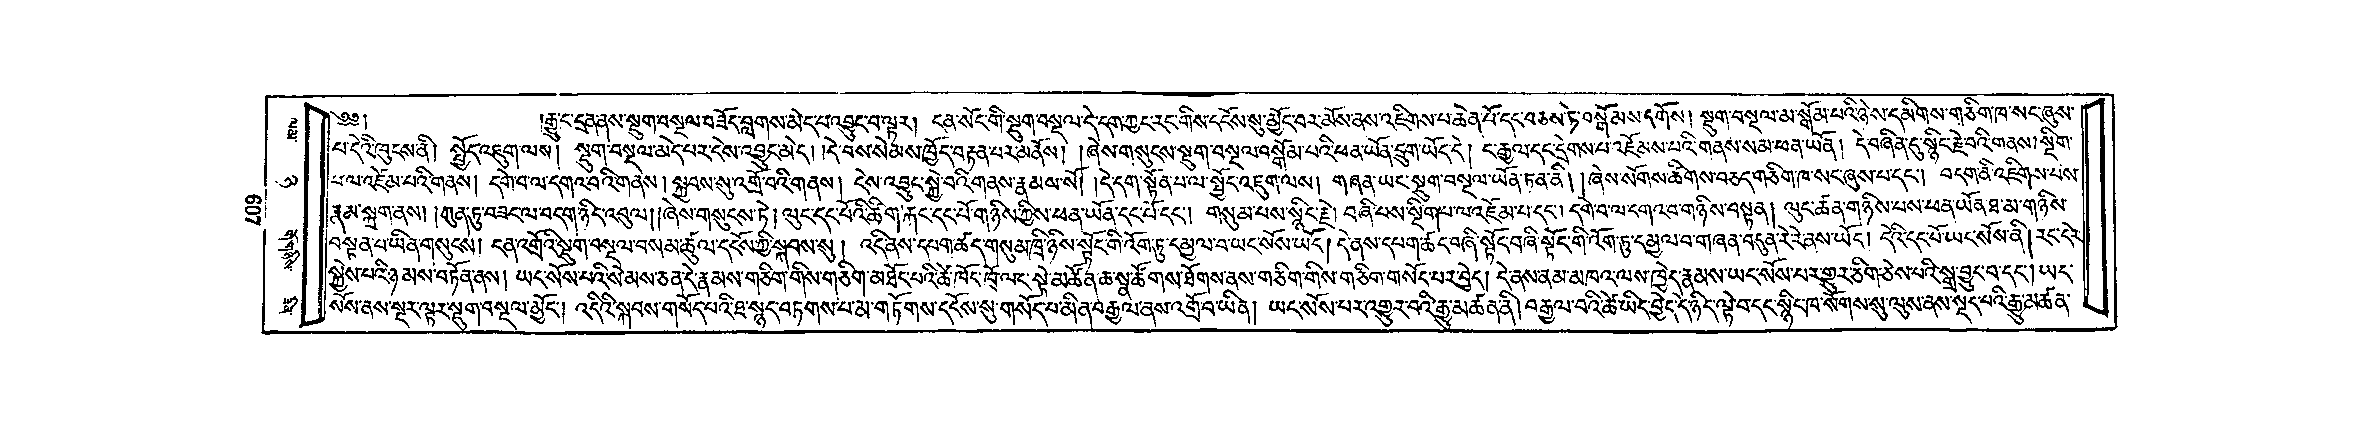༄༅། །རྒྱུ་ང་དྲན་ནས་སྡུག་བསྔལ་བཟོད་བླགས་མེད་པ་འབྱུང་བ་ལྟར། ངན་སོང་གི་སྡུག་བསྔལ་དེ་དག་ཀྱང་རང་གིས་དངོས་སུ་མྱོང་བར་མོས་ནས་འཇིགས་པ་ཆེན་པོ་དང་བཅས་ཏེ་བསྒོམས་དགོས། སྡུག་བསྔལ་མ་སྒོམ་པའི་ཉེས་དམིགས་གཅིག་ཁ་སང་ཞུས་
པ་དེའི་ཁུངས་ནི། སྤྱོད་འཇུག་ལས། སྡུག་བསྔལ་མེད་པར་ངེས་འབྱུང་མེད། །དེ་བས་སེམས་ཁྱོད་བརྟན་པར་མནོས། །ཞེས་གསུངས་སྡུག་བསྔལ་བསྒོམ་པའི་ཕན་ཡོན་དྲུག་ཡོད་དེ། ང་རྒྱལ་དང་དྲེགས་པ་འཇོམས་པའི་གནས་སམ་ཕན་ཡོན། དེ་བཞིན་དུ་སྙིང་རྗེ་བའི་གནས། སྡིག་
པ་ལ་འཛེམ་པའི་གནས། དགེ་བ་ལ་དགའ་བའི་གནས། སྐྱབས་སུ་འགྲོ་བའི་གནས། ངེས་འབྱུང་སྐྱེ་བའི་གནས་རྣམས་སོ། །དེ་དག་སྟོན་པ་ལ་སྤྱོད་འཇུག་ལས། གཞན་ཡང་སྡུག་བསྔལ་ཡོན་ཏན་ནི། །ཞེས་སོགས་ཚིགས་བཅད་གཅིག་ཁ་སང་ཞུས་པ་དང་། བདག་ནི་འཇིགས་པས་
རྣམ་སྐྲག་ནས། །ཀུན་ཏུ་བཟང་ལ་བདག་ཉིད་འབུལ། །ཞེས་གསུངས་ཏེ། ལུང་དང་པོའི་ཚིག་རྐང་དང་པོ་གཉིས་ཀྱིས་ཕན་ཡོན་དང་པོ་དང་། གསུམ་པས་སྙིང་རྗེ། བཞི་པས་སྡིག་པ་ལ་འཇོམ་པ་དང་། དགེ་བ་ལ་དགའ་བ་གཉིས་བསྟན། ལུང་ཚན་གཉིས་པས་ཕན་ཡོན་ཐ་མ་གཉིས་
བསྟན་པ་ཡིན་གསུངས། ངན་འགྲོའི་སྡུག་བསྔལ་བསམ་ཚུལ་དངོས་ཀྱི་སྐབས་སུ། འདི་ནས་དཔག་ཚད་གསུམ་ཁྲི་ཉིས་སྟོང་གི་འོག་ཏུ་དམྱལ་བ་ཡང་སོས་ཡོང་། དེ་ནས་དཔག་ཚད་བཞི་སྟོང་བཞི་སྟོང་གི་འོག་ཏུ་དམྱལ་བ་གཞན་བདུན་རེ་རེ་ནས་ཡོད། དེའི་དང་པོ་ཡང་སོས་ནི། རང་དེར་
སྐྱེས་པའི་ཉམས་བཏོན་ནས། ཡང་སོས་པའི་སེམས་ཅན་དེ་རྣམས་གཅིག་གིས་གཅིག་མཐོང་པའི་ཚེ་ཁོང་ཁྲོ་ལང་སྟེ་མཚོན་ཆ་སྣ་ཚོགས་ཐོགས་ནས་གཅིག་གིས་གཅིག་གསོད་པར་བྱེད། དེ་ནས་ནམ་མཁའ་ལས་ཁྱེད་རྣམས་ཡང་སོས་པར་གྱུར་ཅིག་ཅེས་པའི་སྒྲ་བྱུང་བ་དང་། ཡང་
སོས་ནས་སྔར་ལྟར་སྡུག་བསྔལ་མྱོང་། འདིའི་སྐབས་གསོད་པའི་ཐ་སྙད་བཏགས་པ་མ་གཏོགས་དངོས་སུ་གསོད་པ་མིན་བརྒྱལ་ནས་འགྲོ་བ་ཡིན། ཡང་སོས་པར་འགྱུར་བའི་རྒྱུ་མཚན་ནི། བརྒྱལ་བའི་ཚེ་ཡིད་བྱེད་དེ་ཉིད་ལྟེ་བ་དང་སྙིང་ཁ་སོགས་སུ་ལུས་ནས་སྡད་པའི་རྒྱུ་མཚན་